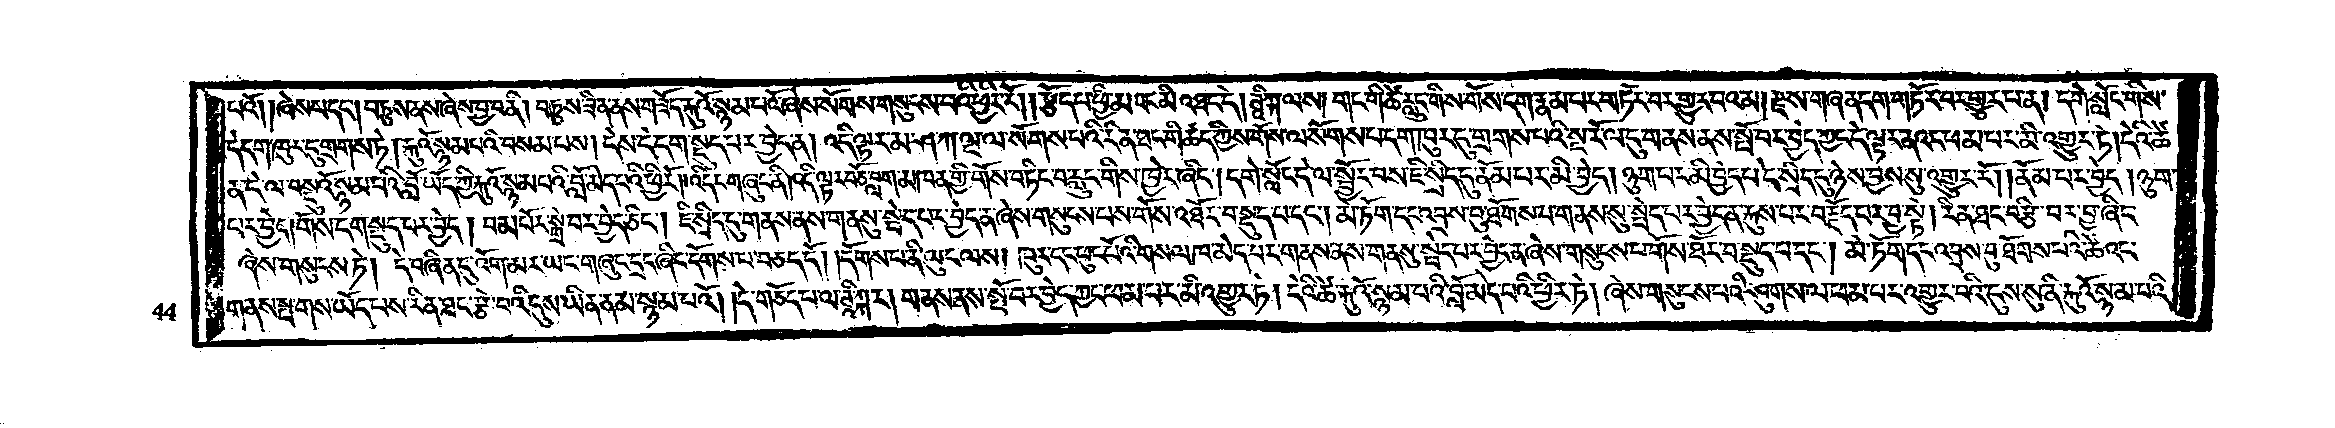པའོ། །ཞེས་པ་དང་། བཏུས་ནས་ཞེས་བྱ་བ་ནི། བཏུས་ཟིན་ནས་གཟོད་རྐུའོ་སྙམ་པའོ་ཞེས་སོགས་གསུངས་བའི་ཕྱིར་རོ། །རྩོད་པ་ཕྱི་མའང་མི་འཐང་དེ། ཊཱིཀྐ་ལས། གང་གི་ཚེ་རླུང་གིས་གོས་དག་རྣམ་པར་གཏོར་བར་གྱུར་པའམ། རྫས་གཞན་དག་གཏོར་བར་གྱུར་པ་ན། དགེ་སློང་གིས་
དེ་དག་ཁུར་དུ་གྲགས་ཏེ། རྐུའོ་སྙམ་པའི་བསམ་པས། དེས་དེ་དག་སྡུད་པར་བྱེད་ན། འདི་ལྟར་མ་ཤ་ཀ་ལྔ་ལ་སོགས་པའི་རིན་ཐང་གི་ཚད་ཀྱིས་གོས་ལ་སོགས་པ་དག་ཁུར་དུ་གྲགས་པའི་སྔ་རོལ་དུ་གནས་ནས་སྤོ་བར་བྱེད་ཀྱང་དེ་ལྟར་ནའང་ཕམ་པར་མི་འགྱུར་ཏེ། དེའི་ཚེ་
ན་དེ་ལ་བསྡུའོ་སྙམ་པའི་བློ་ཡོད་ཀྱི་རྐུའོ་སྙམ་པའི་བློ་མེད་པའི་ཕྱིར་རོ། །འདིར་གཞུང་ནི། འདི་ལྟར་བཅོ་བླག་མཁན་གྱི་གོས་བཏིང་བ་རླུང་གིས་ཁྱེར་ཞིང་། དགེ་སློང་དེ་ལ་སྦྱོར་བས་ཇི་སྲིད་དུ་ནོམ་པར་མི་བྱེད། ཉུག་པར་མི་བྱེད་པ་དེ་སྲིད་དུ་ཉེས་བྱས་སུ་འགྱུར་རོ། །ནོམ་པར་བྱེད། ཉུག་
པར་བྱེད། གོས་དག་སྡུད་པར་བྱེད། བམ་པོར་སྒྲེ་བར་བྱེད་ཅིང་། ཇི་སྲིད་དུ་གནས་ནས་གནས་སུ་སྦེད་པར་བྱེད་ན་ཞེས་གསུངས་པས་གོས་འཐོར་བ་སྡུད་པ་དང་། མ་ཏོག་དང་འབྲས་བུ་ཐོགས་པ་གནས་སུ་སྤེད་པར་བྱེད་ན་རྐུས་པར་བརྗོད་པར་བྱ་སྟེ། རིན་ཐང་བརྩི་བར་བྱ་ཞིང་
ཞེས་གསུངས་ཏེ། དེ་བཞིན་དུ་འོག་མར་ཡང་གཞུང་དྲང་ཞིང་དོགས་པ་བཅད་དོ། །དོགས་པ་ནི་ལུང་ལས། ཁུར་དང་ཕུང་པོའི་གསལ་ཁ་མེད་པར་གནས་ནས་གནས་སུ་སྦེད་པར་བྱེད་ན་ཞེས་གསུངས་པ་གོས་ཐོར་བ་སྡུད་པ་དང་། མེ་ཏོག་དང་འབྲས་བུ་ཐོགས་པའི་ཚེའང་
གནས་སྤགས་ཡོད་པས་རིན་ཐང་རྩེ་བའི་དུས་ཡིན་ནམ་སྙམ་པའོ། །དེ་གཅོད་པ་ལ་ཊཱི་ཀྐ་ར། གནས་ནས་སྤོ་བར་བྱེད་ཀྱང་ཕམ་པར་མི་འགྱུར་ཏེ། དེའི་ཚེ་རྐུའི་སྙམ་པའི་བློ་མེད་པའི་ཕྱིར་ཏེ། ཞེས་གསུངས་པའི་ཤུགས་ལ་ཕམ་པར་འགྱུར་བའི་དུས་སུ་ནི་རྐུའོ་སྙམ་པའི་